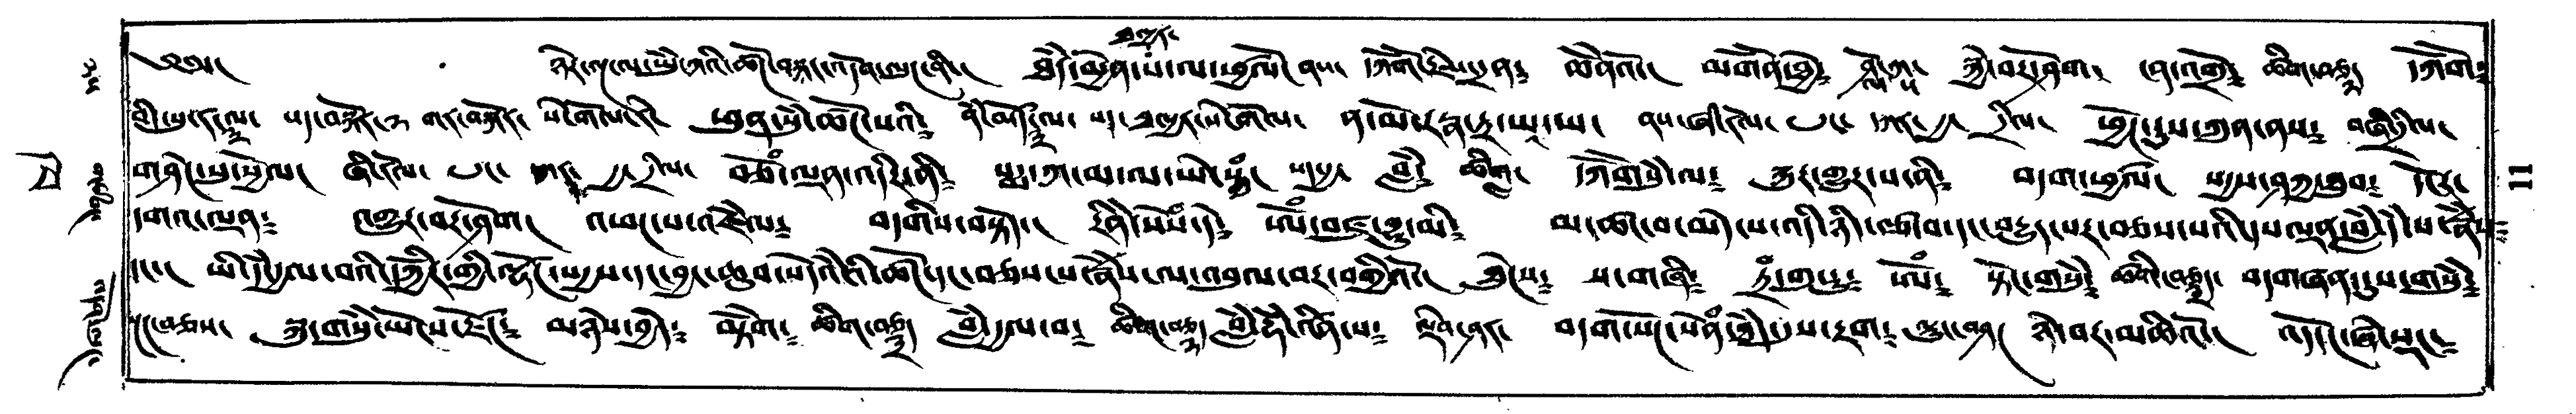༄༅། ཉེར་ལྔ་ལ་ཡུམ་ཀའི་ཚོགས་བསྐང་འདོན་ལུགས་ནི། ཐམས་ཅད་མཁྱེན་པ་ལ་ཕྱག་འཚལ་ལོ། ནས། དཀོན་མཆོག་རྗེས་དྲན༴ ཆེན་པོའོ། མགོན་པོ་ཐུགས་རྗེ༴ ཤོ་ལོ་ཀ་ལྔ། སྐྱེ་བར་ཤོག༴ ངན་འགྲོ༴ ཚིག་བཅད་གཉིས། དཀོན་མཆོག༴ 
བིད་པུ་ར་ལ་གསུམ། པད་བསྐོར་གཉིས། གར་བསྒོར། སེ་གོལ་རེ། ཕུན་སུམ་ཚོགས་པའི༴ ནམ་མཛོད་གསུམ་ལ པད། ཐལ་སྦྱར། སེ་གོལ། ན་མོ་རཏྣ་ཏྲ་ཡཱ་ཡ། ནས་ཞི་རོལ། དུང་དཀར་རྒྱ་དྲིལ། ཕྱོགས་དུས་ཀུན་ནས༴ བཞི་དྲིལ་
གཤེགས་སུ་གསོལ། ཞི་རོལ། དུང་ཀར་རྒྱ་དྲིལ། བཅོམ་ལྡན་འདིར་ནི༴ པདྨ་ཀ་ཡ་ལ་ཡེ་སྟཾ། པད་རྒྱ། བླ་མ༴ ཚིག་བཞི། དཀོན་མཆོག་གསུམ་ལ༴ སྐུར་གྱུར་པ་ནི༴ བདག་ཕྱག་འཚལ། སངས་རྒྱས་ཤཱཀྱ་ཐུབ༴ དང་པོ་
དགའ་ལྡན༴ འགྱུར་བར་ཤོག འཕགས་པ་འཇམ་དཔལ༴ བདག་གིས་བསྟོད། རིན་ཆེན་སེམས་དེ༴ ཨོཾ་བཛྲ་བྷུ་མི༴ མ་ཚང་བ་མེད་པ་འདི་ཉིད་རྩ་བ་དང་བརྒྱུད་པར་བཅས་པའི་དཔལ་ལྡན་བླ་མ་དམ་པ་རྣམས་
དང་། ཡི་དམ་རྒྱལ་བའི་དཀྱིལ་འཁོར་གྱི་ལྷ་ཚོགས་སངས་རྒྱས་དང་བྱང་ཆུབ་སེམས་དཔའི་ཚོགས་དང་བཅས་པ་རྣམས་ལ་འབུལ་བར་བགྱིའོ། ཐུགས་རྗེས༴ ས་གཞི༴ ཏྲཾ་གུ་རུ༴ ཨོཾ༴ སྟོང་གསུམ༴ཚིག་བཅད་གསུམ། བདག་གཞན་དུས་གསུམ༴ 
སྔགས་བཅས། སྐུ་གསུམ་ཡོངས་རྫོགས༴ མཉེས་བྱེད༴ མེ་ཏོག༴ ཚིག་བཅད་གསུམ། བླ་མ་རྒྱལ་བ་༴ ཚིག་བཅད་གཉིས། བླ་མ་རྡོ་རྗེ་འཛིན་པ༴ ལྡེབ་ཤར། བདག་སོགས་སེམས་ཅན་ཐམས་ཅད་དུས་རྟག༴ ལྟུང་ཤགས། ཉེ་བར་མཆིའོ། འདོད་ཆགས་ཞེ་སྡང༴